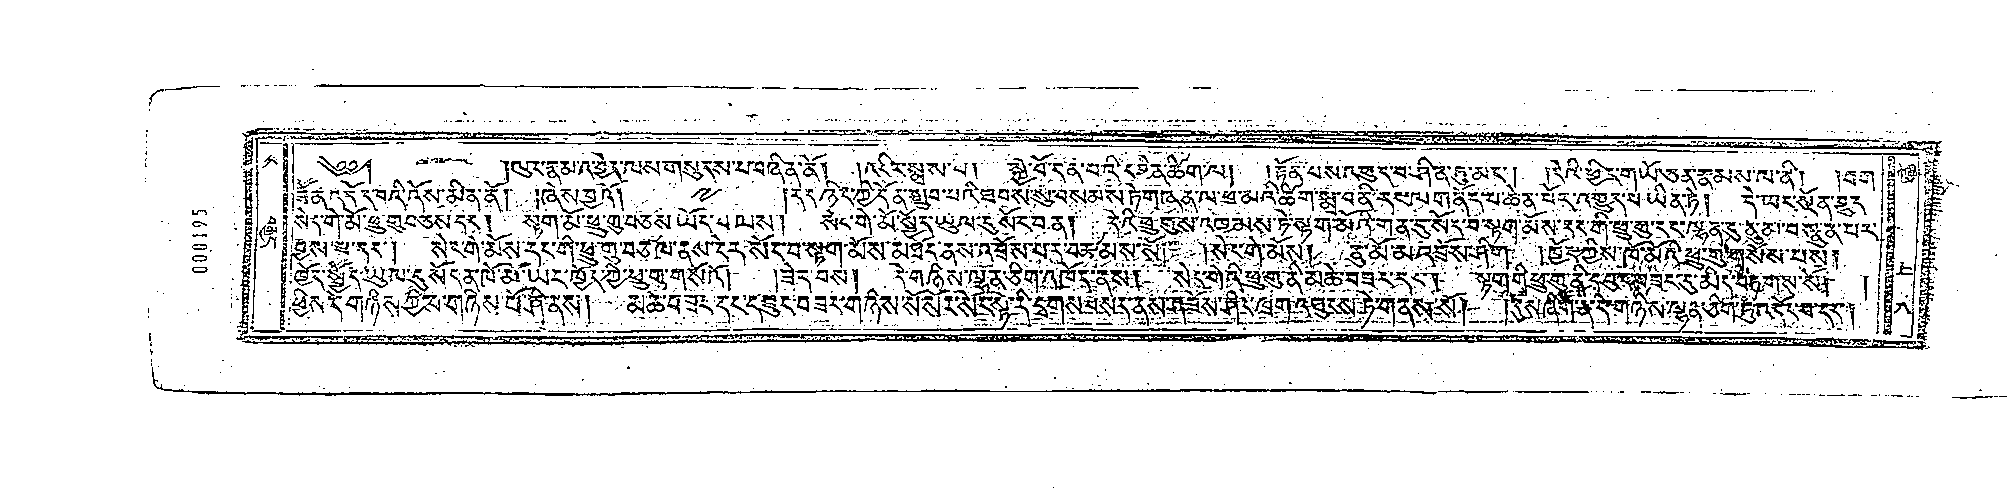༄༅། །ལུང་རྣམ་འབྱེད་ལས་གསུངས་པ་བཞིན་ནོ། །འདིར་སྨྲས་པ། སྐྱེ་བོ་ངན་པའི་དབྱེན་ཚིག་ལ། །རྟོན་པས་འཕུད་བ་ཤིན་ཏུ་མང་། །དེའི་ཕྱིར་གཡོ་ཅན་རྣམས་ལ་ནི། །བག་
ཟོན་འདོད་པའི་འོས་མིན་ནོ། །ཞེས་བྱའོ། ༧་།རང་ཉིད་ཀྱི་དོན་སྒྲུབ་པའི་ཐབས་སུ་བསམས་ཏེ་གཞན་ལ་ཕྲ་མའི་ཚིག་སྨྲ་བ་ནི་རང་ལ་གནོད་པ་ཆེན་པོར་འགྱུར་བ་ཡིན་ཏེ། དེ་ཡང་སྔོན་བྱུང་
སེང་གེ་མོ་ཕྲུ་གུ་བཅས་དང་། སྟག་མོ་ཕྲུ་གུ་བཅས་ཡོད་པ་ལས། སེང་གེ་མོ་སྤྱོད་ཡུལ་དུ་སོང་བ་ན། དེའི་ཕྲུ་གུས་འཁྱམས་ཏེ་སྟག་མོའི་གན་དུ་སོང་བ་སྟག་མོས་རང་གི་ཕྲུ་གུ་དང་ལྷན་དུ་ནུ་མ་བསྣུན་པར་
བྱས་པ་དང་། སེང་གེ་མོས་རང་གི་ཕྲུ་གུ་བཙལ་ནས་དེར་སོང་བ་སྟག་མོས་མཐོང་ནས་འབྲོས་པར་བརྩམས་སོ། །སེང་གེ་མོས། ནུ་མོ་མ་འབྲོས་ཤིག །ཁྱོད་ཀྱིས་ཁོ་མོའི་ཕྲུ་གུ་གསོས་པས།
ཁྱོད་སྤྱོད་ཡུལ་དུ་སོང་ན་ཁོ་མོ་ཡང་ཁྱོད་ཀྱི་ཕྲུ་གུ་གསོའོ། །ཟེར་བས། དེ་གཉིས་ལྷན་ཅིག་འཁོད་ནས། སེང་གེའི་ཕྲུ་གུ་ནི་མཆེ་བཟང་དང་། སྟག་གི་ཕྲུ་གུ་ནི་དཔུང་བཟང་དུ་མིང་བཏགས་སོ། །
ཕྱིས་དེ་གཉིས་ཀྱི་མ་གཉིས་པོ་ཤི་ནས། མཆེ་བཟང་དང་དབུང་བཟང་གཉིས་སོ་སོར་སོང་སྟེ་རི་དྭགས་བསད་ནས་ཤ་ཟོས་ཤིང་ཁྲག་འཐུངས་ཏེ་གནས་སོ། །དུས་ཞིག་ན་དེ་གཉིས་ལྷན་ཅིག་ཏུ་འདོད་པ་དང་།